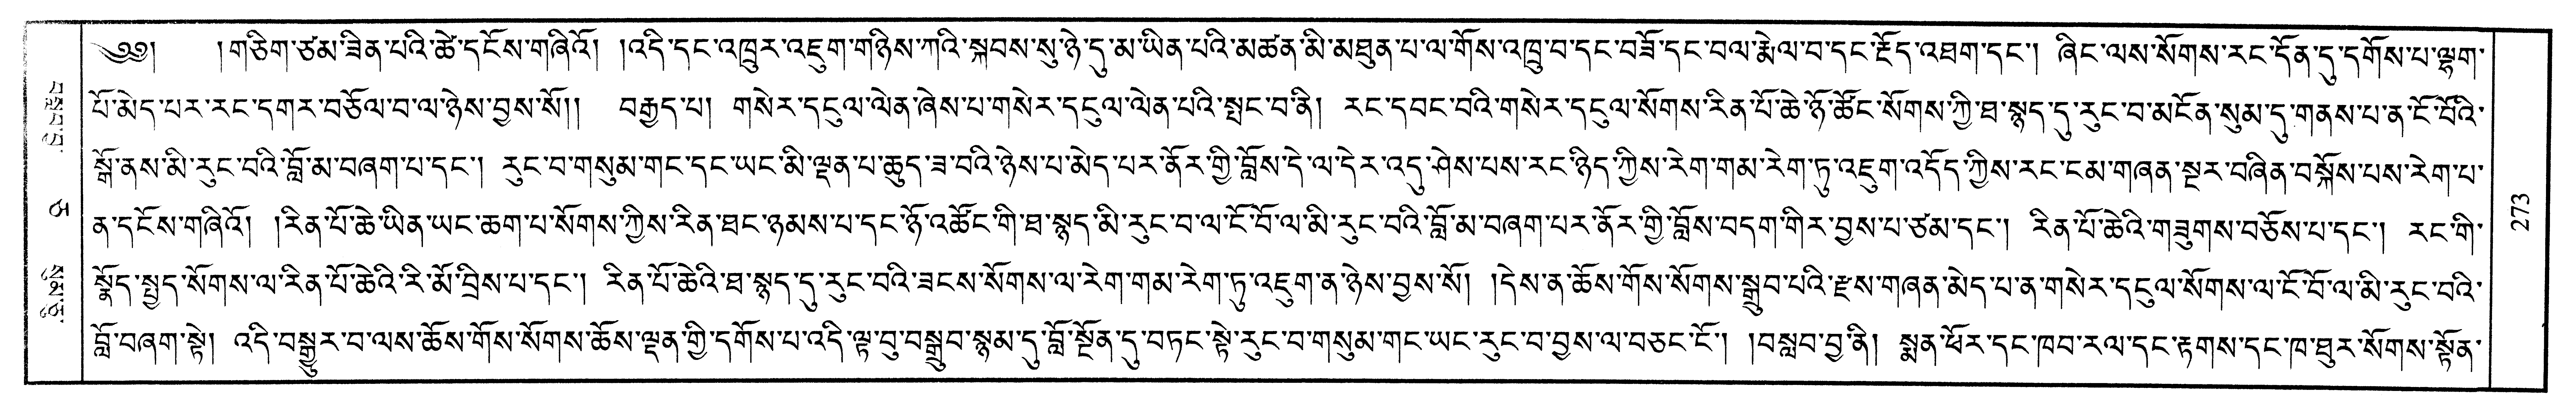༄༅། །གཅིག་ཙམ་ཟིན་པའི་ཚེ་དངོས་གཞིའོ། །འདི་དང་འཁྲུར་འཇུག་གཉིས་ཀའི་སྐབས་སུ་ཉེ་དུ་མ་ཡིན་པའི་མཚན་མི་མཐུན་པ་ལ་གོས་འཁྲུ་བ་དང་བཟོ་དང་བལ་རྨེལ་བ་དང་རྔོད་འཐག་དང་། ཞིང་ལས་སོགས་རང་དོན་དུ་དགོས་པ་ལྷག་
པོ་མེད་པར་རང་དགར་བཅོལ་བ་ལ་ཉེས་བྱས་སོ།། རྒྱད་པ། གསེར་དངུལ་ལེན་ཞེས་པ་གསེར་དངུལ་ལེན་པའི་སྤང་བ་ནི། རང་དབང་བའི་གསེར་དངུལ་སོགས་རིན་པོ་ཆེ་ཉོ་ཚོང་སོགས་ཀྱི་ཐ་སྙད་དུ་རུང་བ་མངོན་སུམ་དུ་གནས་པ་ན་ངོ་བོའི་
སྒོ་ནས་མི་རུང་བའི་བློ་མ་བཞག་པ་དང་། རུང་བ་གསུམ་གང་དང་ཡང་མི་ལྡན་པ་ཆུད་ཟ་བའི་ཉེས་པ་མེད་པར་ནོར་གྱི་བློས་དེ་ལ་དེར་འདུ་ཤེས་པས་རང་ཉིད་ཀྱིས་རེག་གམ་རེག་ཏུ་འཇུག་འདོད་ཀྱིས་རང་ངམ་གཞན་སྔར་བཞིན་བསྐོས་པས་རེག་པ་
ན་དངོས་གཞིའོ། །རིན་པོ་ཆེ་ཡིན་ཡང་ཆག་པ་སོགས་ཀྱིས་རིན་ཐང་ཉམས་པ་དང་ཉོ་འཚོང་གི་ཐ་སྙད་མི་རུང་བ་ལ་ངོ་བོ་ལ་མི་རུང་བའི་བློ་མ་བཞག་པར་ནོར་གྱི་བློས་བདག་གིར་བྱས་པ་ཙམ་དང་། རིན་པོ་ཆེའི་གཟུགས་བཅོས་པ་དང་། རང་གི་
སྣོད་སྤྱད་སོགས་ལ་རིན་པོ་ཆེའི་རི་མོ་བྲིས་པ་དང་། རིན་པོ་ཆེའི་ཐ་སྙད་དུ་རུང་བའི་ཟངས་སོགས་ལ་རེག་གམ་རེག་ཏུ་འཇུག་ན་ཉེས་བྱས་སོ། །དེས་ན་ཆོས་གོས་སོགས་སྒྲུབ་པའི་རྫས་གཞན་མེད་པ་ན་གསེར་དངུལ་སོགས་ལ་ངོ་བོ་ལ་མི་རུང་བའི་
བློ་བཞག་སྟེ། འདི་བསྒྱུར་བ་ལས་ཆོས་གོས་སོགས་ཆོས་ལྡན་གྱི་དགོས་པ་འདི་ལྟ་བུ་བསྒྲུབ་སྙམ་དུ་བློ་སྔོན་དུ་བཏང་སྟེ་རུང་བ་གསུམ་གང་ཡང་རུང་བ་བྱས་ལ་བཅང་ངོ། །བསླབ་བྱ་ནི། སྨན་ཕོར་དང་ཁབ་རལ་དང་རྟགས་དང་ཁ་ཐུར་སོགས་སྟོན་